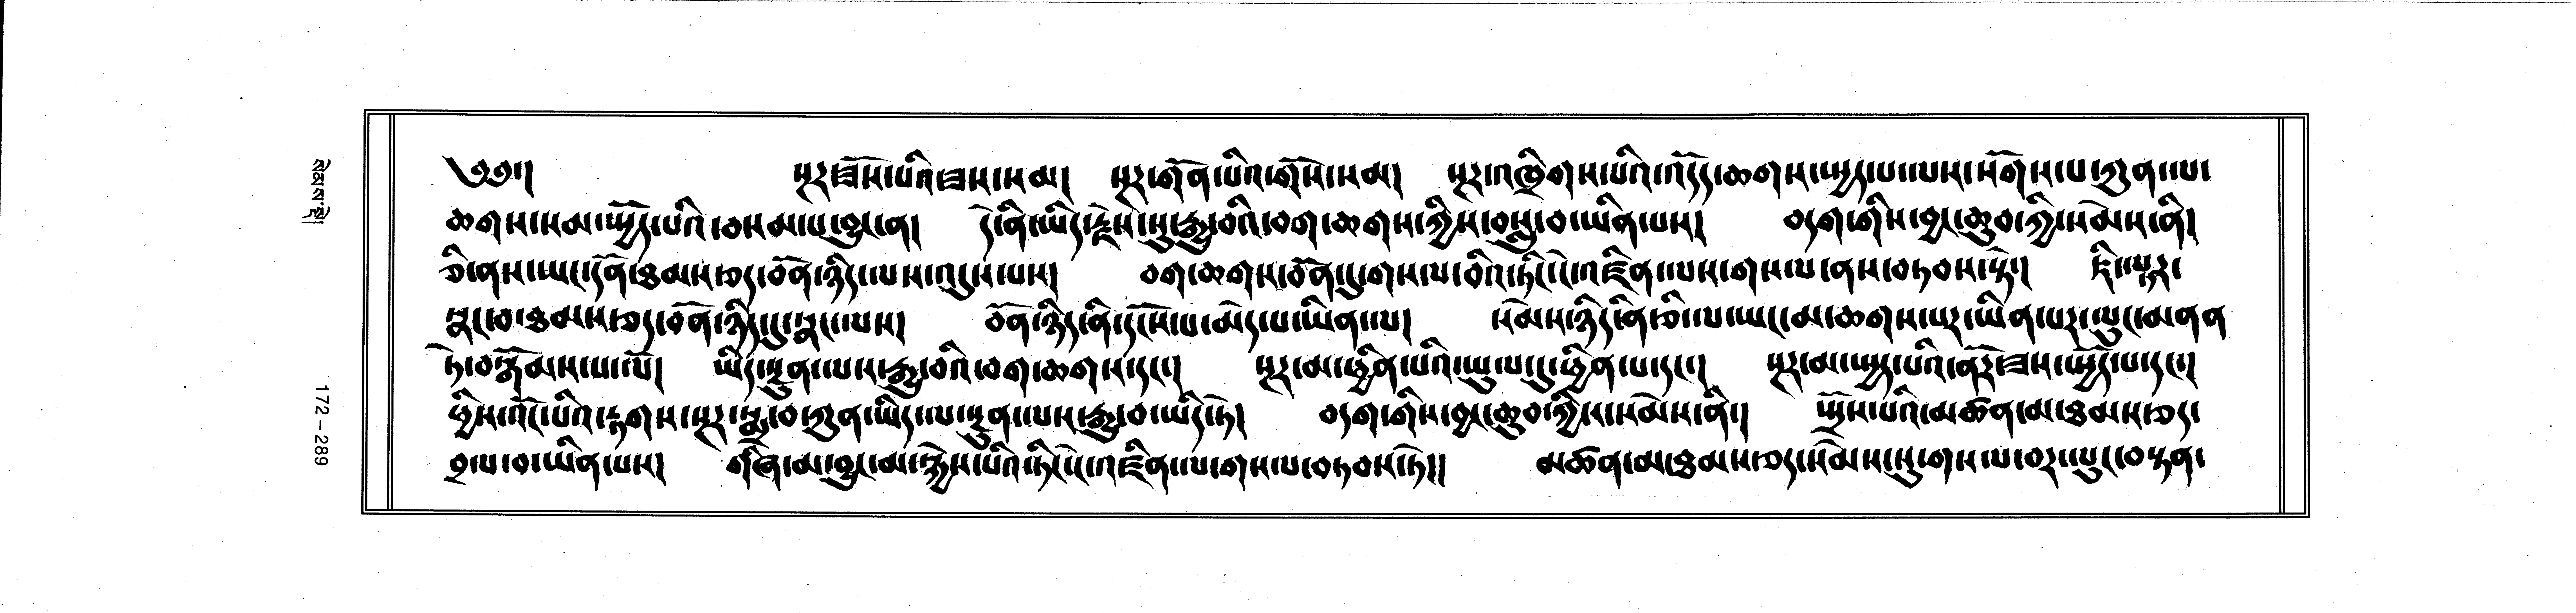སྔར་ཟོས་པའི་ཟས་སམ། སྔར་གོན་པའི་གོས་སམ། སྔར་འཁྲིགས་པའི་འདོད་ཆགས་སྤྱད་པ་ལས་སོགས་པ་ཀུན་ལ་
ཆགས་སམ་སྤྱོད་པའི་བསམ་པ་བྱུང་ན། དེ་ནི་ཡིད་རྗེས་སུ་རྒྱུ་བའི་བག་ཆགས་ཀྱིས་བསླུ་བ་ཡིན་པས། བདག་གིས་བྱང་ཆུབ་ཀྱིས་སེམས་ནི། 
ཅི་ནས་ཡང་དོན་ཐམས་ཅད་བོན་ཉིད་ལས་འདུས་པས། བག་ཆགས་བོན་དུ་གསལ་བའི་ཏིང་ངེ་འཛིན་ལས་གསལ་ནས་བཏབས་སྟེ། ཇི་ལྟར་
སྣང་བ་ཐམས་ཅད་བོན་ཉིད་དུ་སྣང་ལས། བོན་ཉིད་ནི་དངོས་པ་མེད་པ་ཡིན་ལ། སེམས་ཉིད་ནི་ཅི་ལ་ཡང་མ་ཆགས་པར་ཡིན་པར་ལུང་མནན་
ཏེ་བསྒོམས་པ་ལོ། ཡིད་སྔུན་ལས་རྒྱུ་བའི་བག་ཆགས་དང་། སྔར་མ་ཕྱིན་པའི་ཡུལ་དུ་ཕྱིན་པ་དང་། སྔར་མ་སྤྱད་པའི་ནོར་ཟས་སྤྱོད་པ་དང་། 
ཕྱིས་འོང་པའི་རྟགས་སྔར་སྨྲ་བ་ཀུན་ཡིད་ལ་སྔུན་ལས་རྒྱུ་བ་ཡིད་ཏེ། བདག་གིས་བྱང་ཆུབ་ཀྱིས་སེམས་ནི། སྤྲོས་པའི་མཚན་མ་ཐམས་ཅད་
བྲལ་བ་ཡིན་པས། གཞི་མ་བྱུང་མ་སྐྱེས་པའི་ཏིང་ངེ་འཛིན་ལ་གསལ་བཏབས་ཏེ། མཚན་མ་ཐམས་ཅད་སེམས་སུ་གསལ་བར་ལུང་བསྟན་